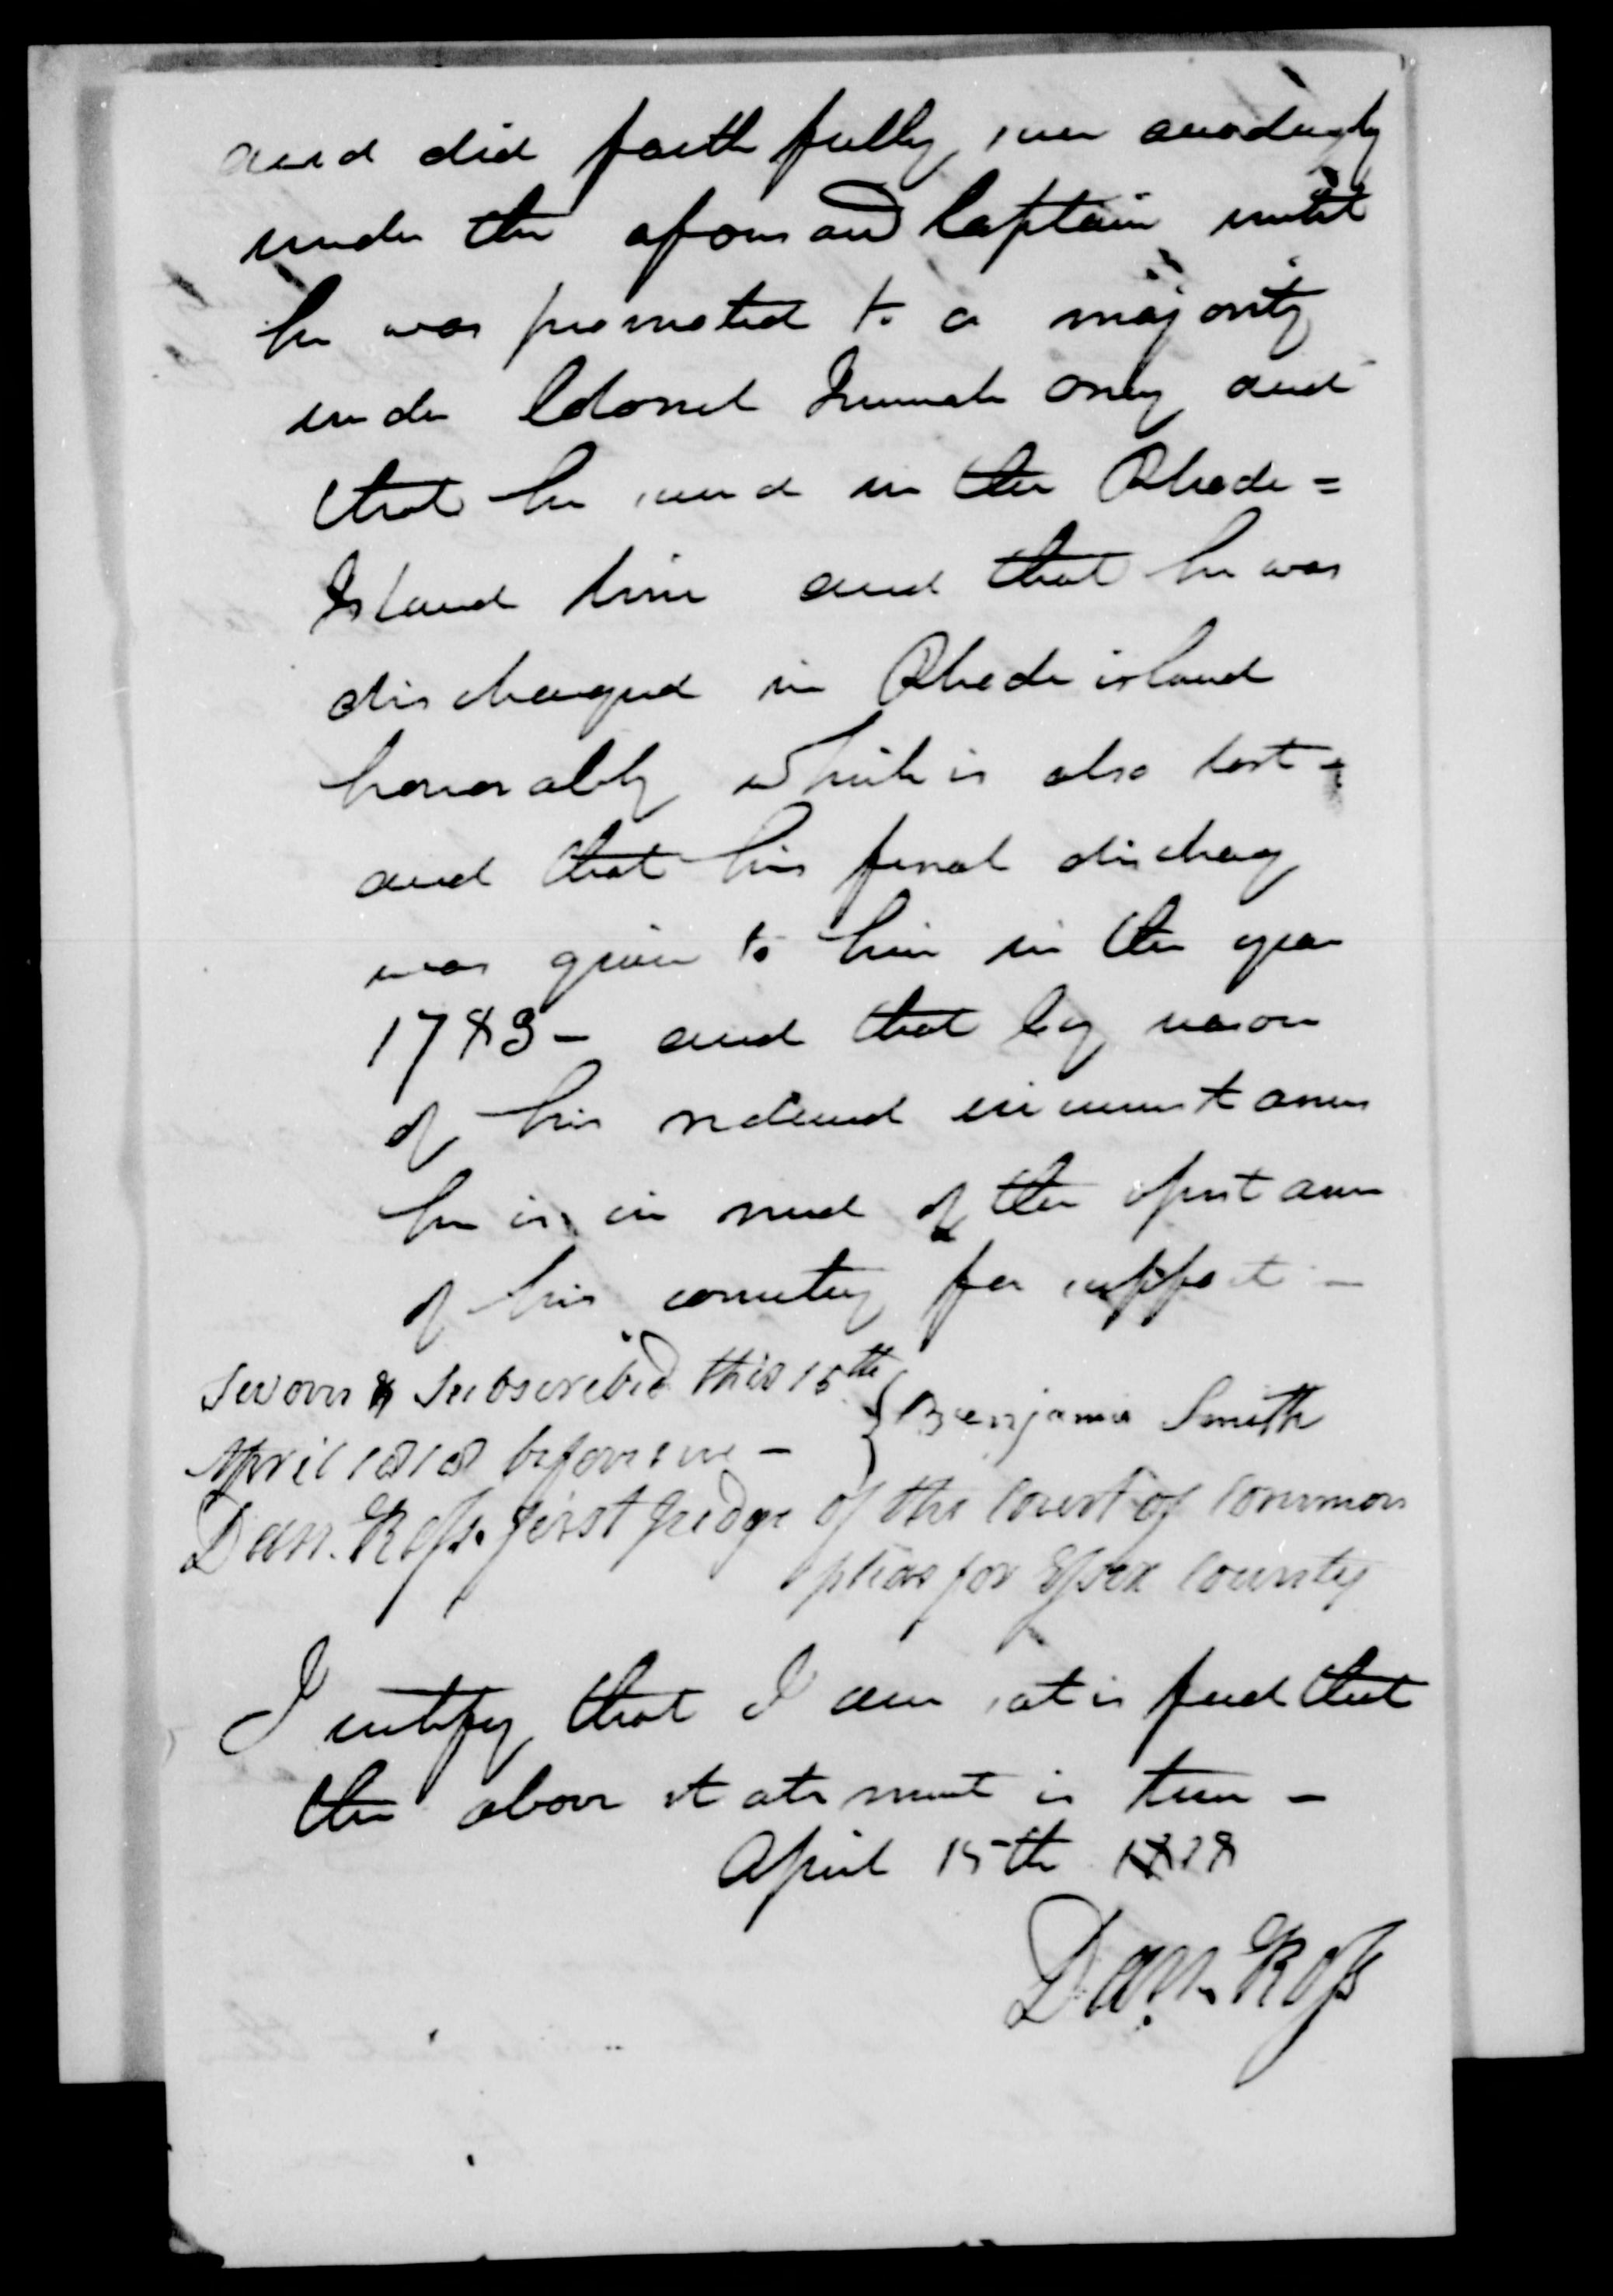and did faithfully serve accordingly under the aforesaid Captain until he was promoted to a majority under Colonel Jeremiah Oney and that he was in the Rhode Island line and that he was discharged in Rhode Island honorably which is also lost - and that his final discharge was given to him in the year 1783 - and that by reason of his reduced circumstances he is in need of the assistance of his country for support
Benjamin Smith
Sworn & subscribed this 15th April 1818 before me Dan Ross First Judge of the Court of Common pleas for Essex County 
I certify that I am satisfied that the above statement is true-
April 15th 1828 
Dan Ross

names: Dan Ross; Jeremiah [BLANK]; Dan Ross; Benjamin Smith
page: 6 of 16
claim: survivor's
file: S. 42341, for Benjamin Smith, Rhode Island